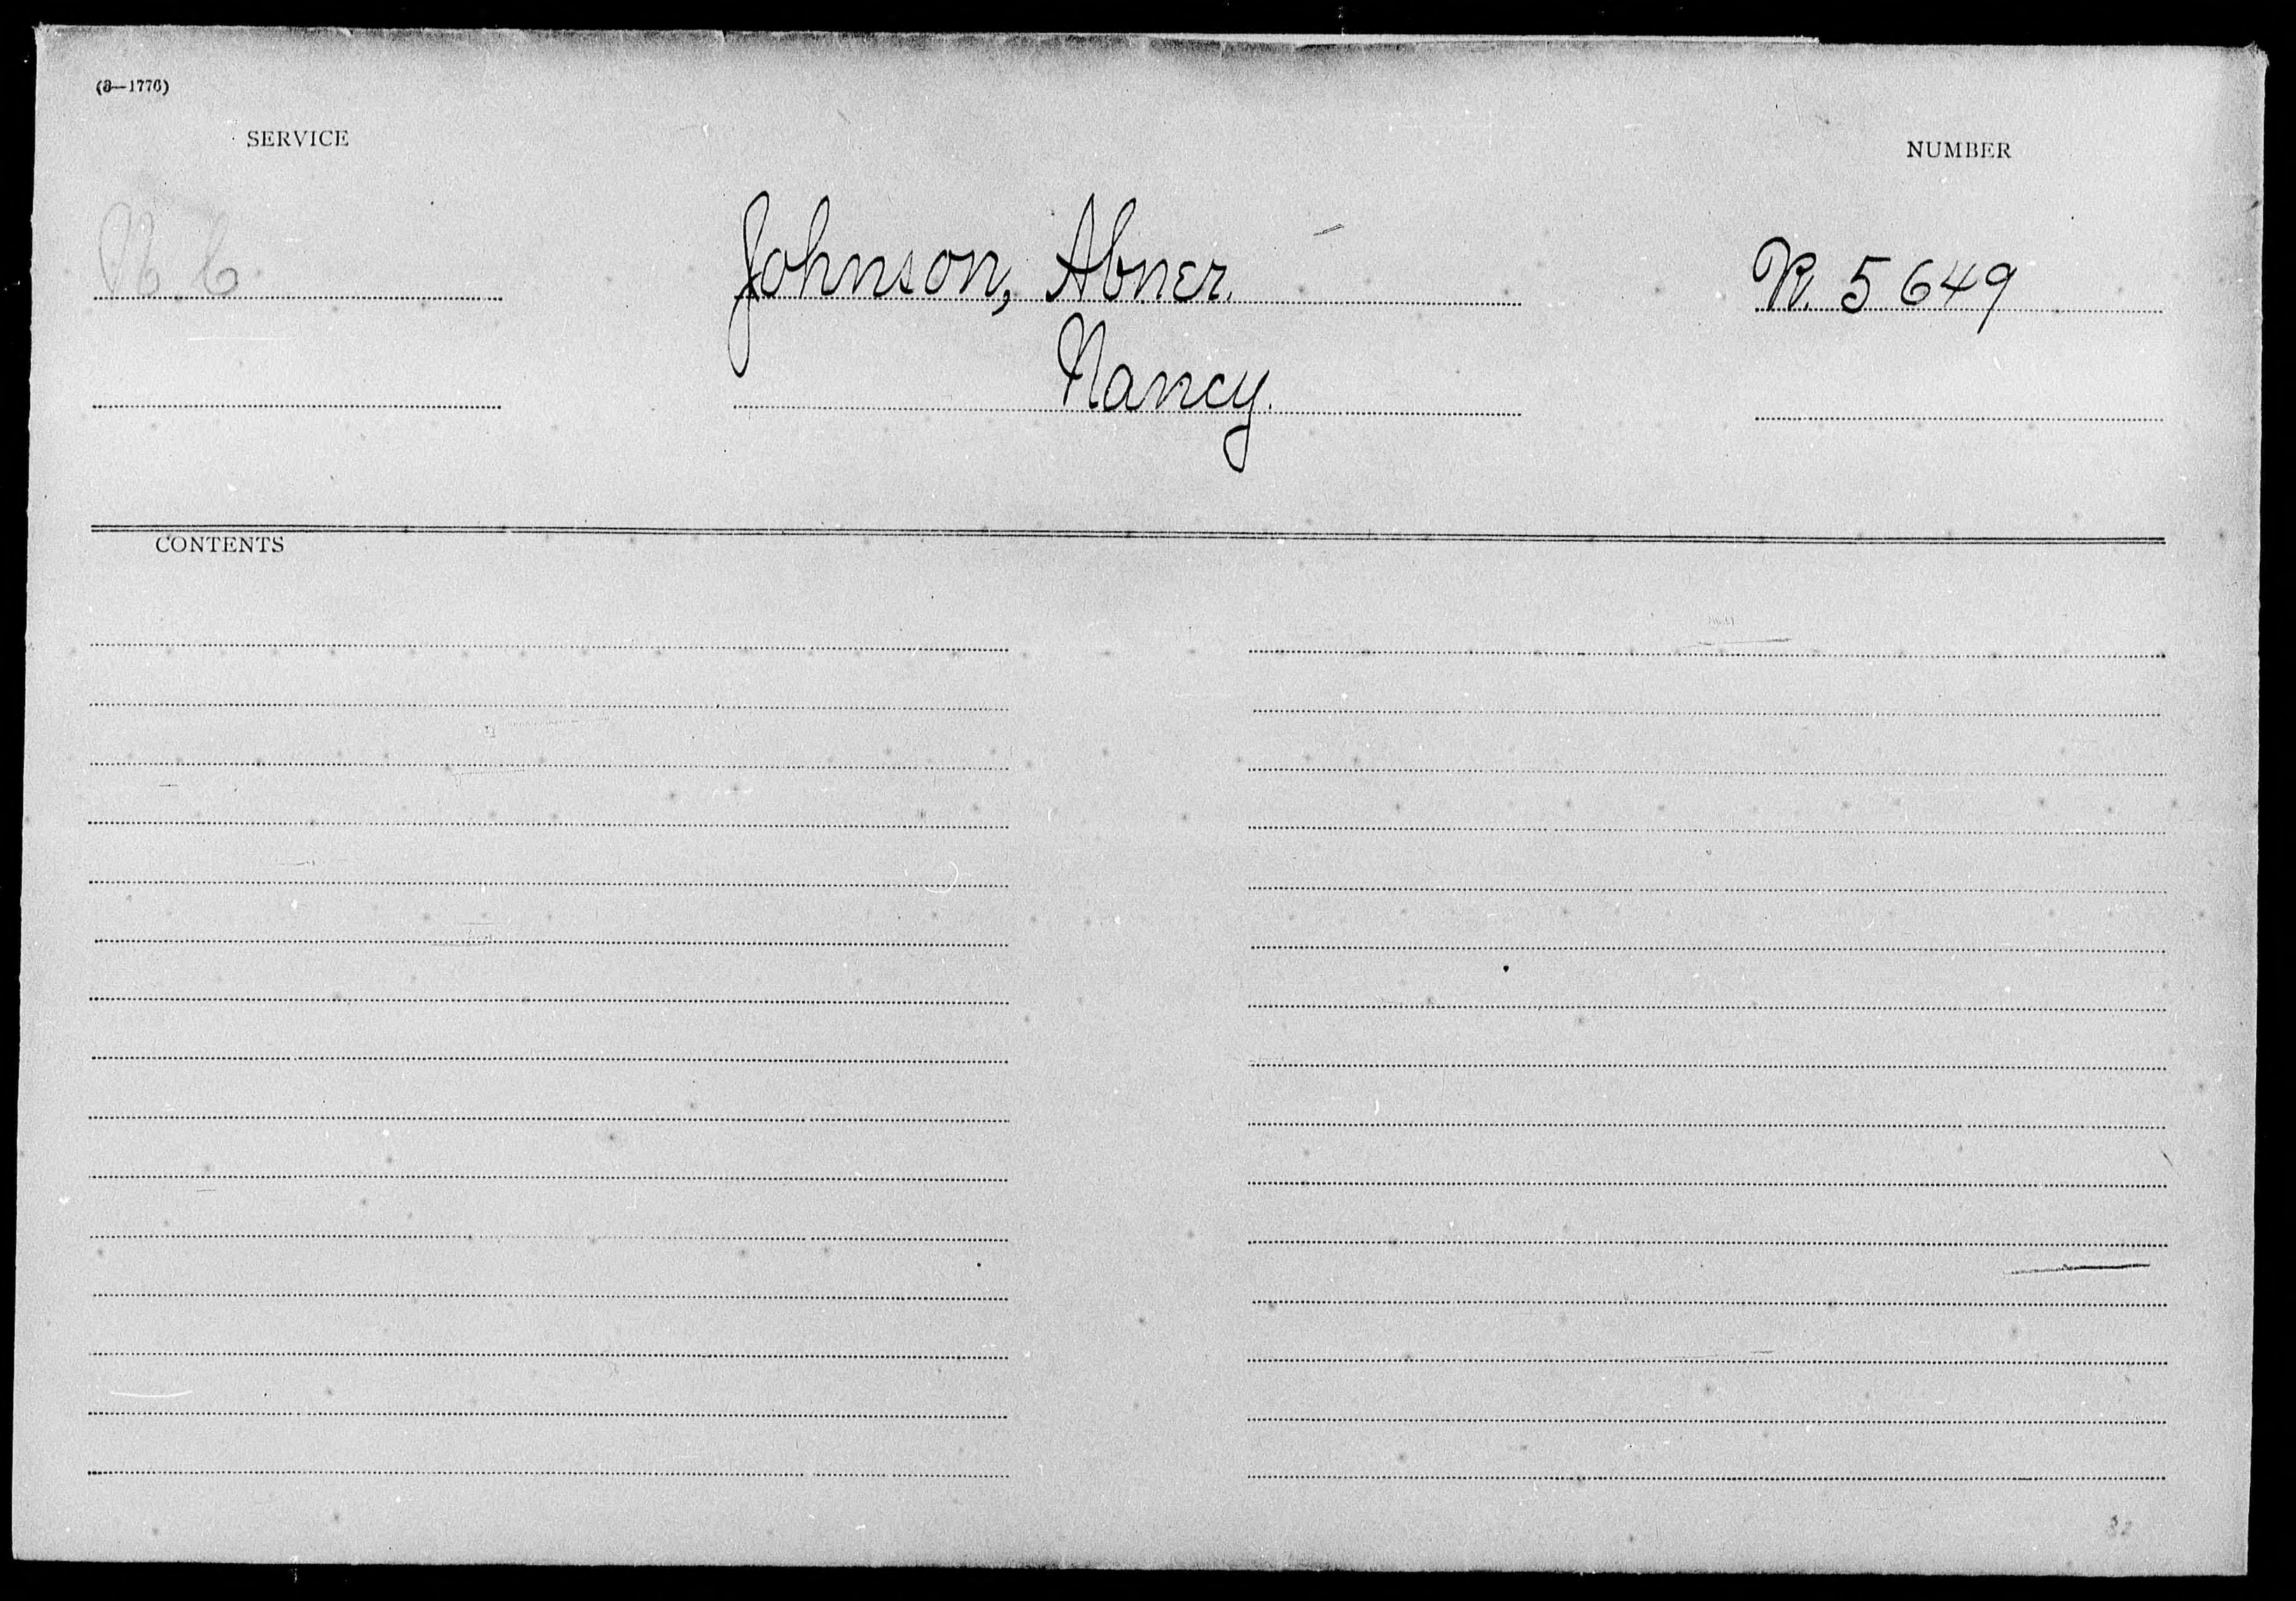(8-1776)  

SERVICE
NC

Johnson, Abner
Nancy
 
NUMBER
R.5649

CONTENTS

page: 1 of 27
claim: rejected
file: R. 5649, for Abner Johnson, North Carolina